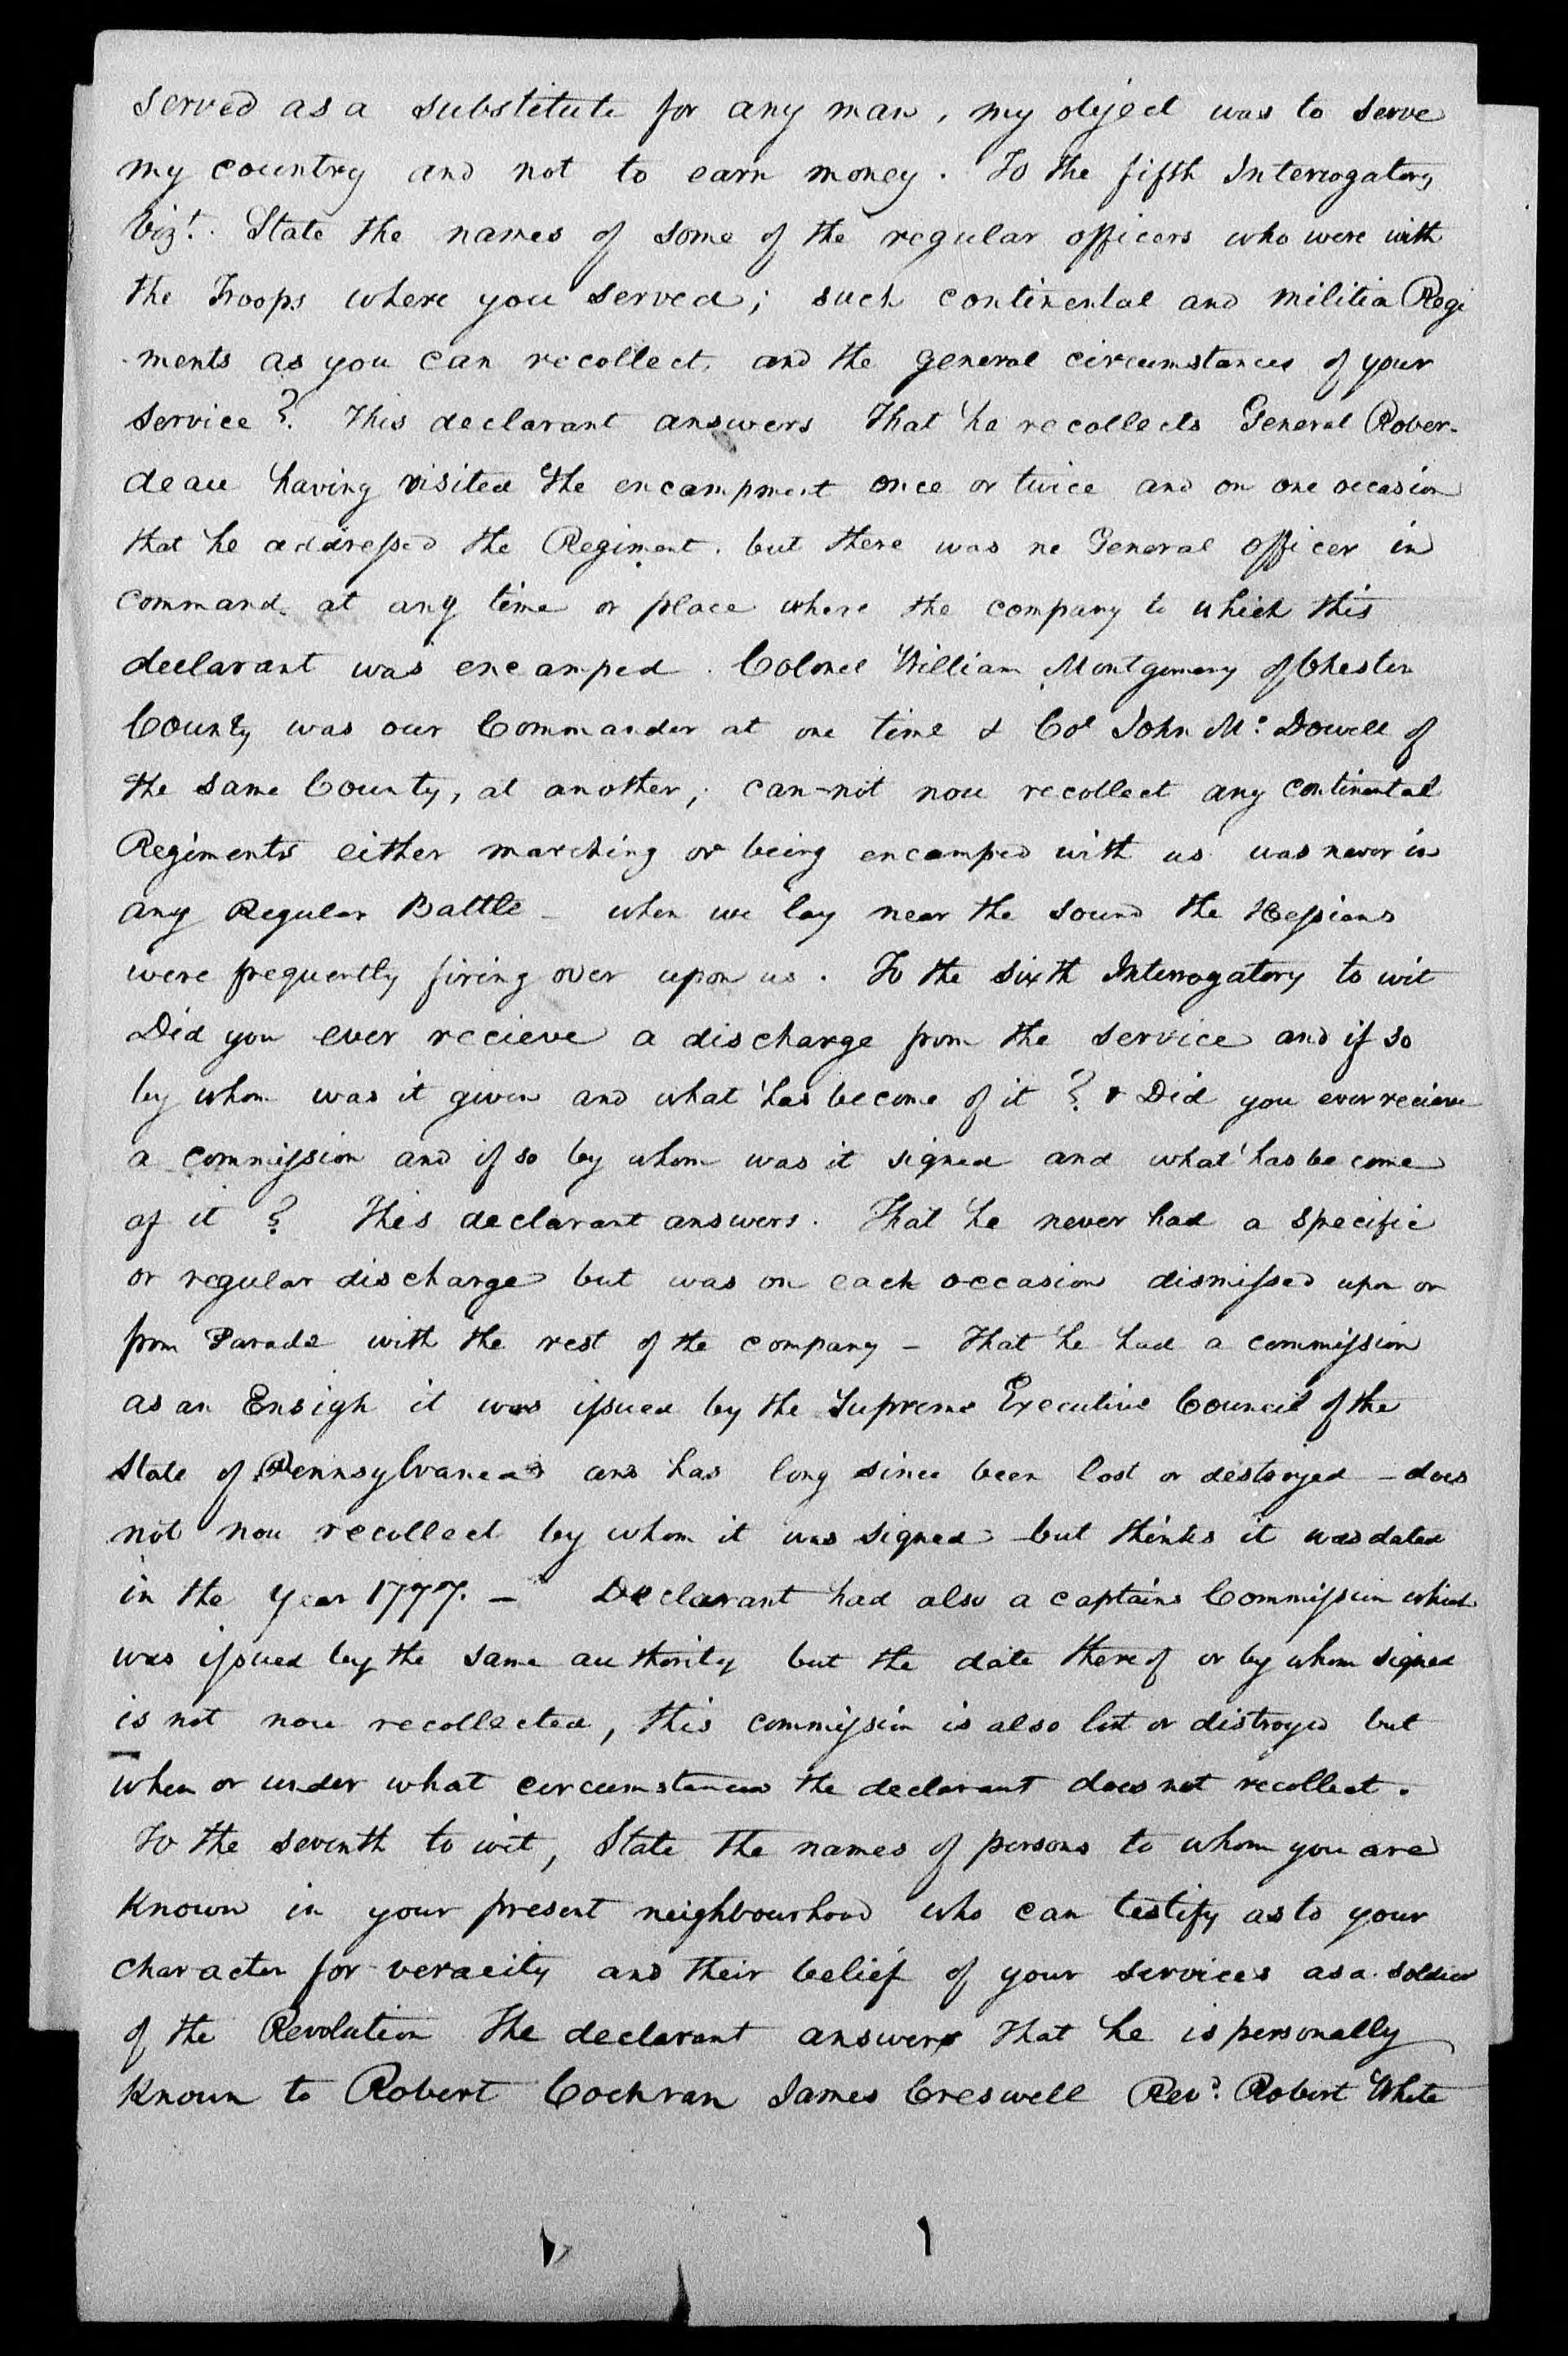served as a substitute for any man.  My object was to serve my country and not to earn money.  To the fifth interrogatory   .  State the names of some of the regular officers who were with the troops where you served; such continental and militia regiments as you can recollect and the general circumstances of your services?  This declarant answers That he recollects General Roberdeau having visited the encampment once or twice and on one occasion that he addressed the Regiment but there was no General Officer in command at any time in place where the company to which this declarant was encamped.  Colonel William Montgomery of Chester County was our Commander at one time & Col John McDowell of the same county, at another, cannot now recollect any continental Regiments either marching or being encamped with us.  Was never in any regular Battle when we lay near the sound the Hessians were frequently firing over upon us.  To the Sixth Interrogatory to wit Did you ever receive a discharge from the service an if so by whom was it given and what has become of it?  Did you ever receive a commission and if so by whom was it signed and what has become of it?  This declarant answers That he never had a specific or regular discharge but was on each occasion dismissed upon on from Parade with the rest of the company - that he had a commission as an Ensign it was issued by the Supreme Executive Council of the State of Pennsylvania and has long since been lost or destroyed - does not now recollect by whom it was signed but thinks it was dated in the year 1777.  Declarant had also a Captains commission which was issued by the same authority but the date there of or by whom signed is not more recollected, this commission is also lost or destroyed but when or under what circumstances the declarant does not recollect.  
To the seventh to wit, State the name of persons to who you are known in your present neighborhood who can testify as to your character for veracity and their belief of your services as a soldier of the Revolution The declarant answers that he is personally known to Robert Cochran James Greswell  Rev Robert White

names: Robert Cochran, Robert White, Roberdeau, James Creswell, John Mc Dowell, William Montgomery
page: 6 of 19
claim: survivor's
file: S. 12626, David Crosby, Penn.